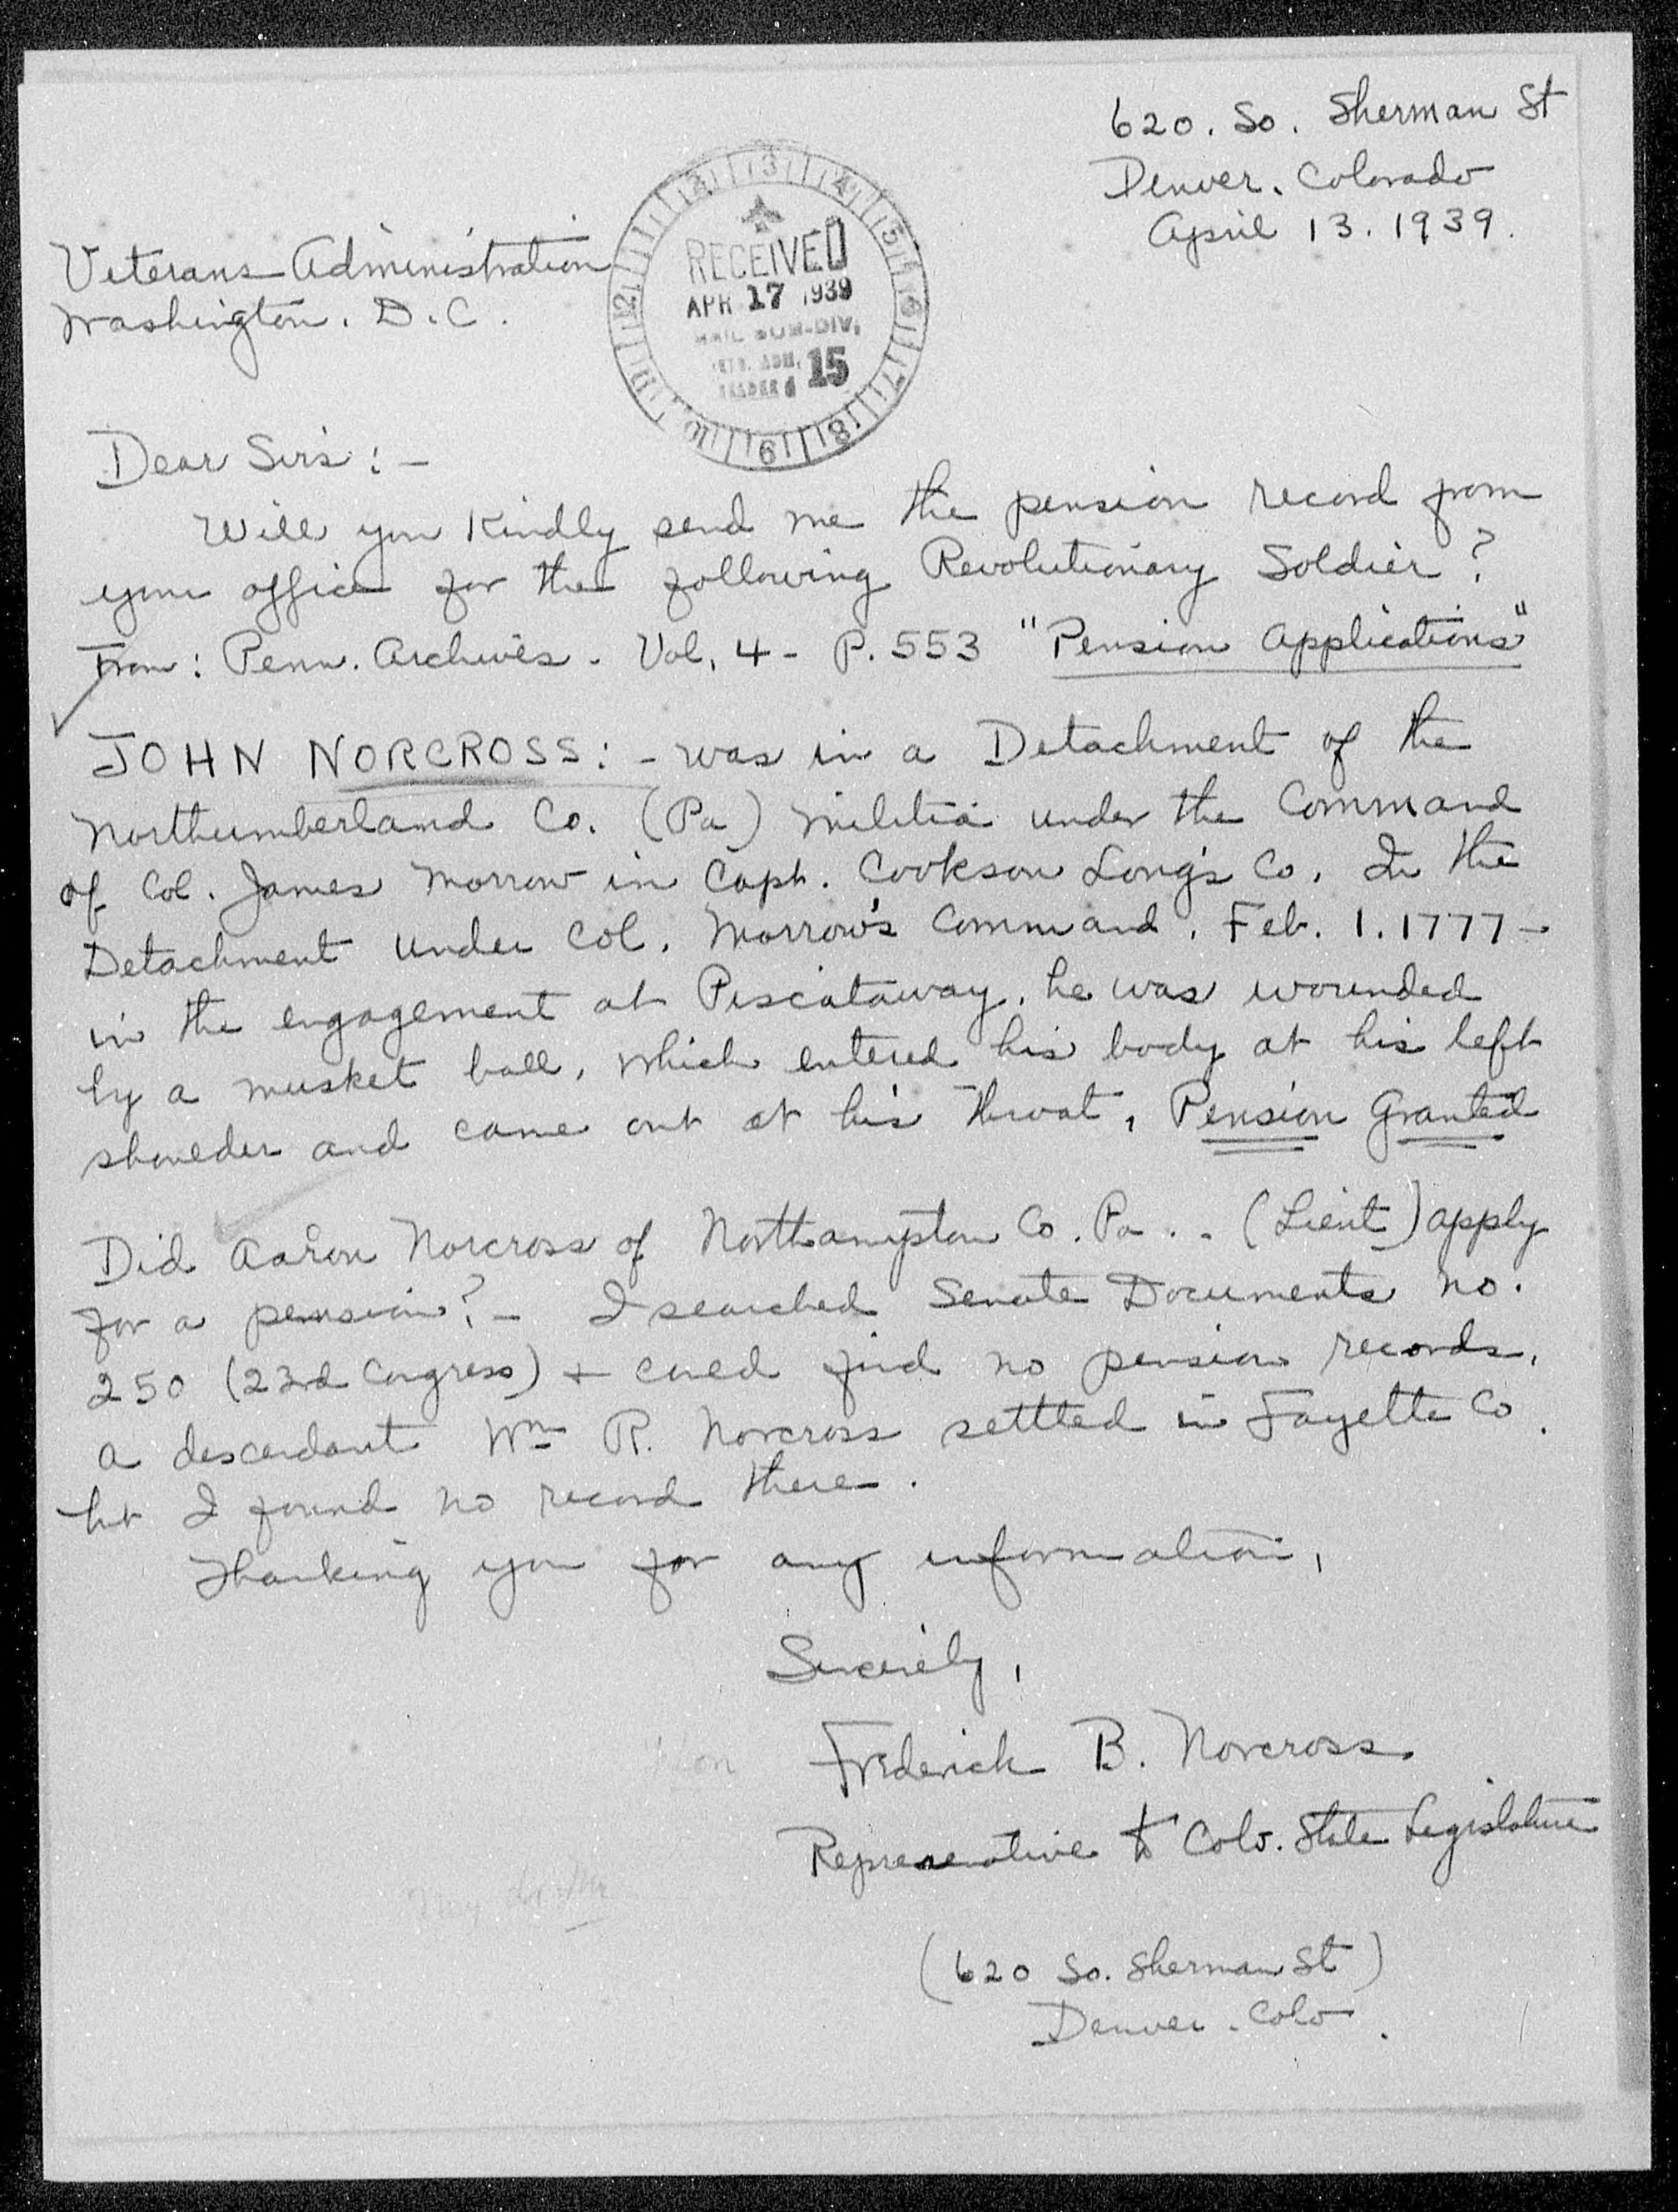620. So. Sherman St
                                          Denver, Colorado
                                          April 13, 1939
Veterans Administration
Washington, D.C.

Dear Sirs;-
Will you kindly send me the pension record from your office for the following Revolutionary Soldier?
From: Penn. Archives - Vol. 4- p.553 "Pension Applictions"

Jon Norcross: was in a Detachment of the Northumberland Co. (Pa) Militia under the Command of Col. James Morrow in Capt. Cookson Long's Co. In the Detachment under Col. Morrow's Command. Feb 1, 1777-
in the engagement at Piscataway. he was wounded by a musket ball, which entered his body at his left shoulder and came out of his throat. Pension Granted

Did Aaron Norcross of Northampton Co. Pa. . (Lieut) apply for a pension? - I searched Senate Documents No. 250 (23rd Congress) + could find no pension records. A descendant Wm R. Norcross settled in Fayette Co. but found no record there.
Thanking you for any information.
Sincerely Frederick B. Norcross
Representative to Colo. State Legislature
(620 So. Sherman St)
Denver. Colo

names: James Morrow; John Norcross; Aaron Norcross; Frederick B Norcross; Wm R Norcross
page: 12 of 23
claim: survivor's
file: S. 27257, for John Norcross, Pennsylvania